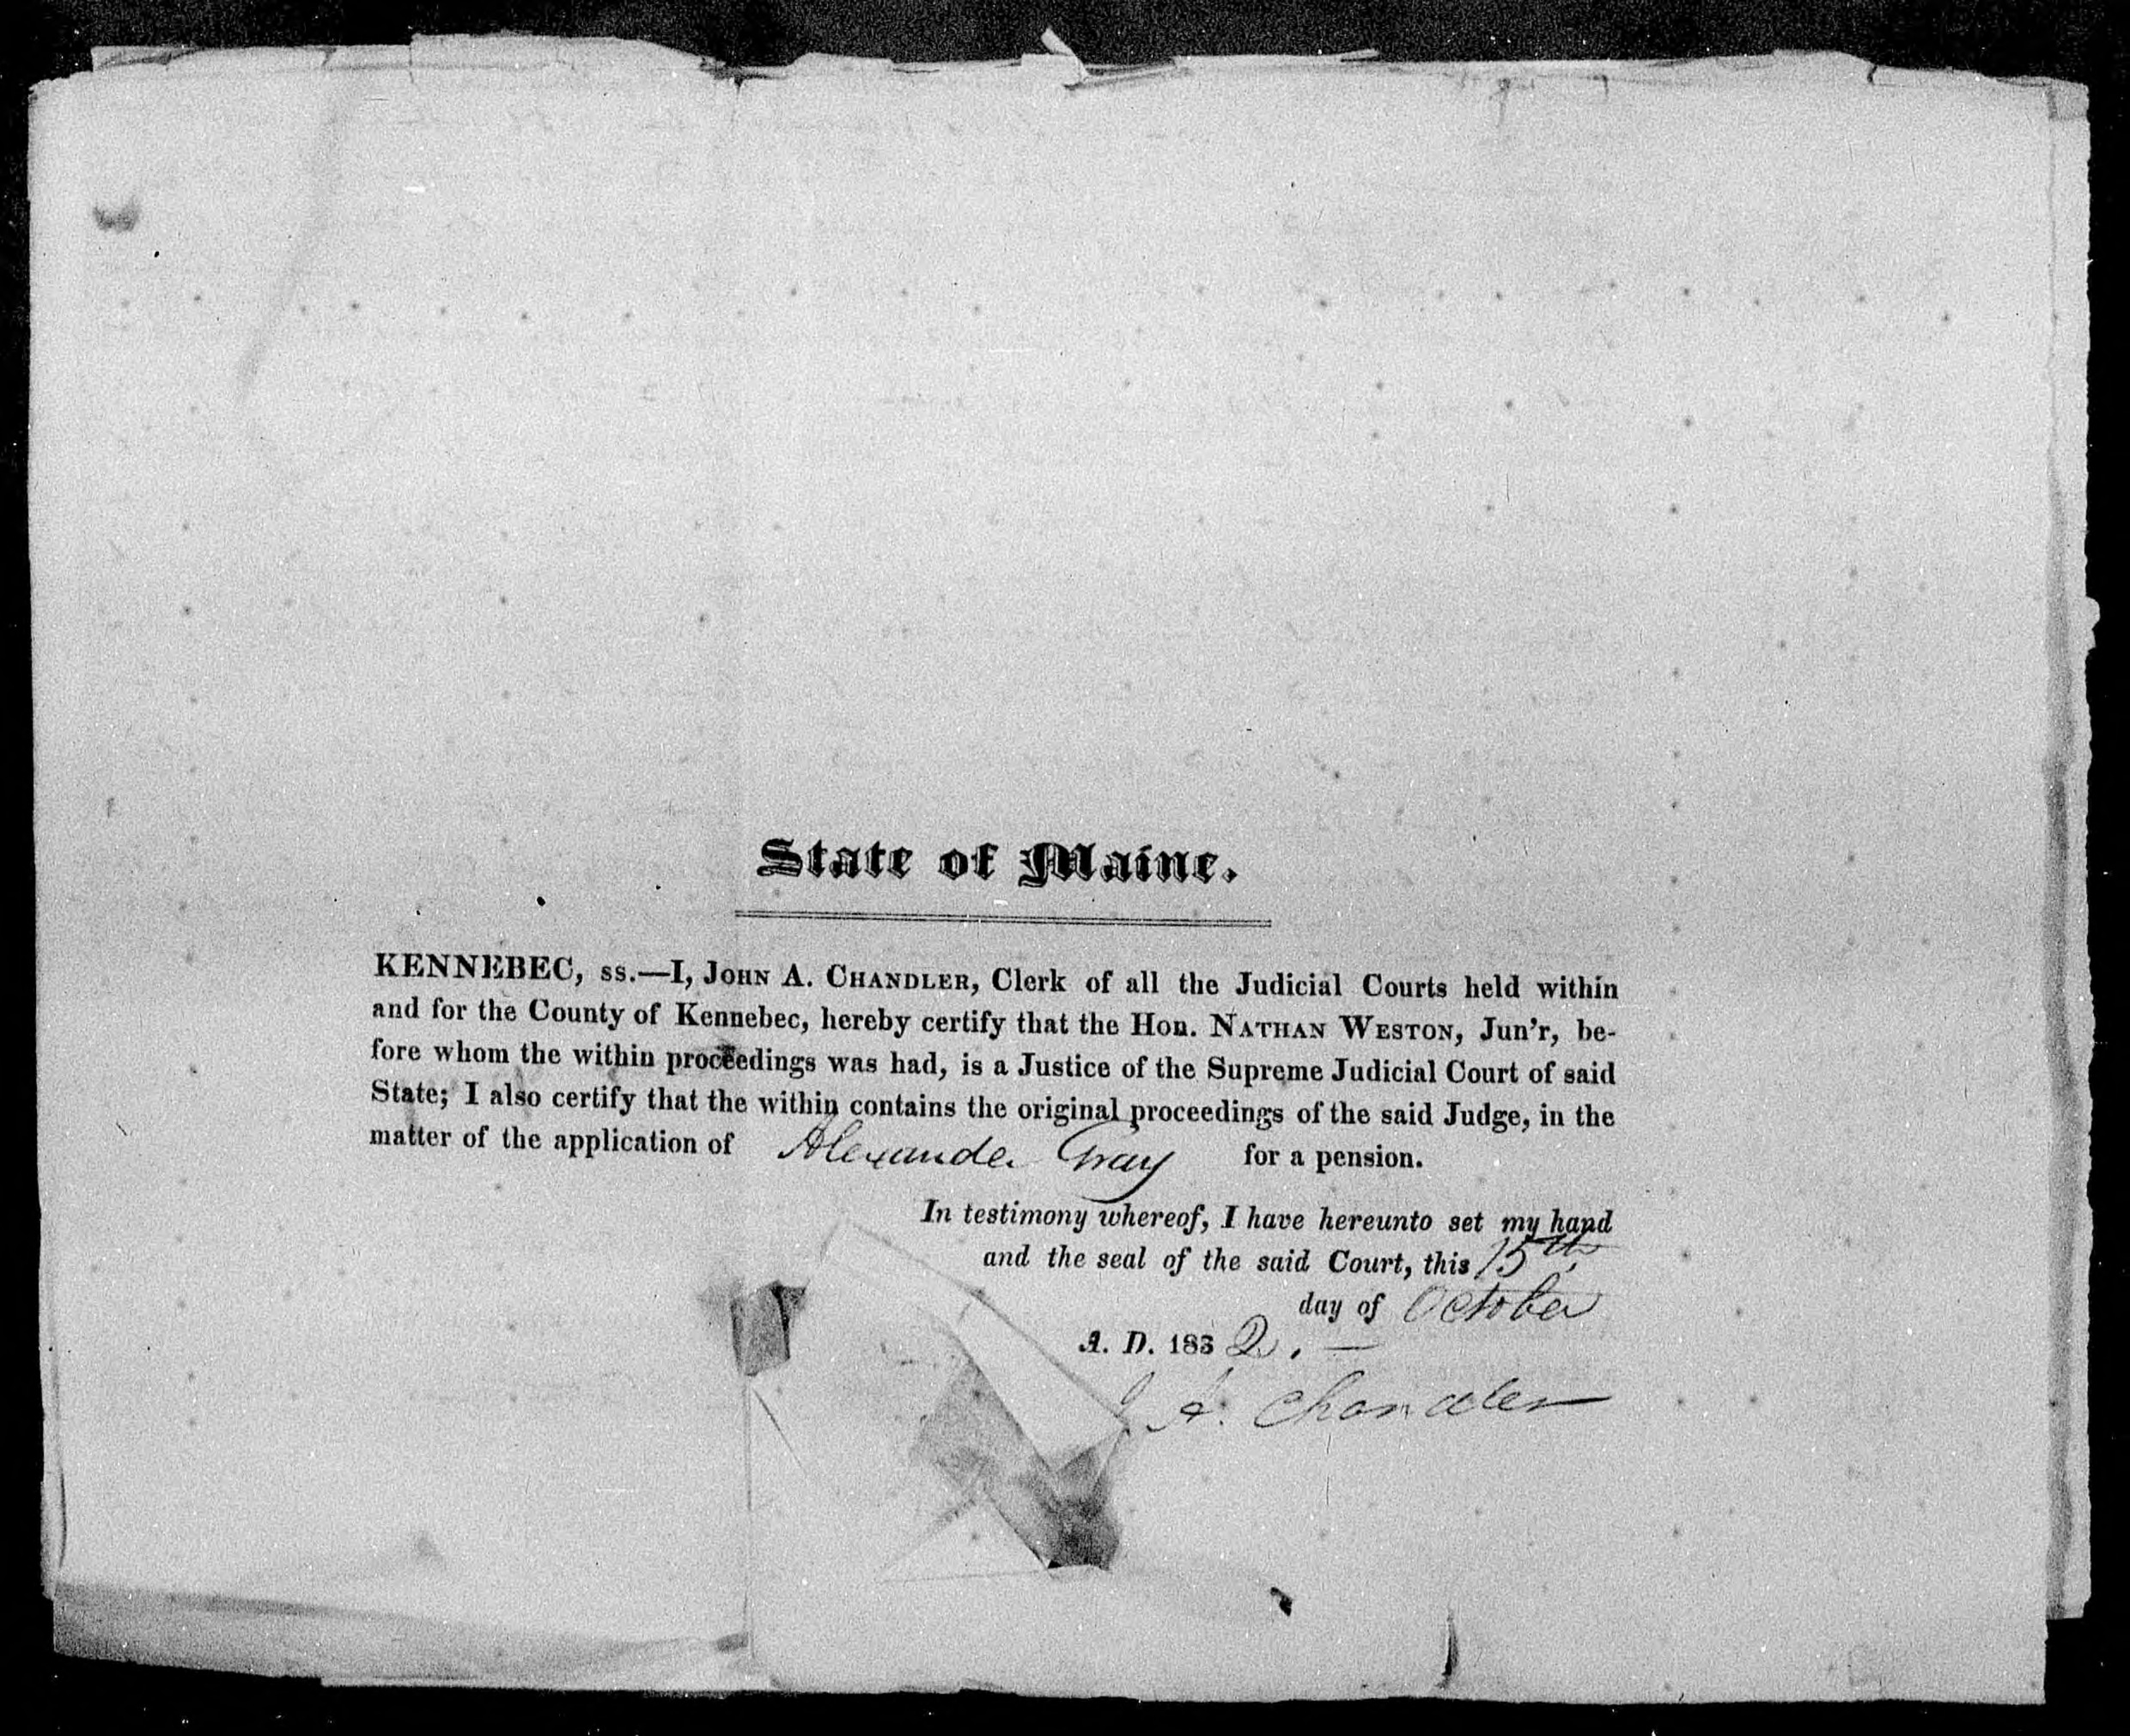State of Maine.

KENNEBEC, ss. - I, JOHN A. CHANDLER, Clerk of all the Judicial Courts held within
and for the County of Kennebec, hereby certify that the Hon. NATHAN WESTON, Jun'r, before
whom the within proceedings was had, is a Justice of the Supreme Judicial Court of said
State; I also certify that the within contains the original proceedings of the said Judge, in the
matter of the application of Alexander Gray for a pension.

In testimony whereof, I have hereunto set my hand
the seal of the said Court, this 15th day of October
A. D. 1832
J. A. Chandler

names: John A Chandler, Nathan Weston, J A Chandler, Alexander Gray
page: 13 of 13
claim: survivor's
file: S. 18845, Alexander Gray, Mass.